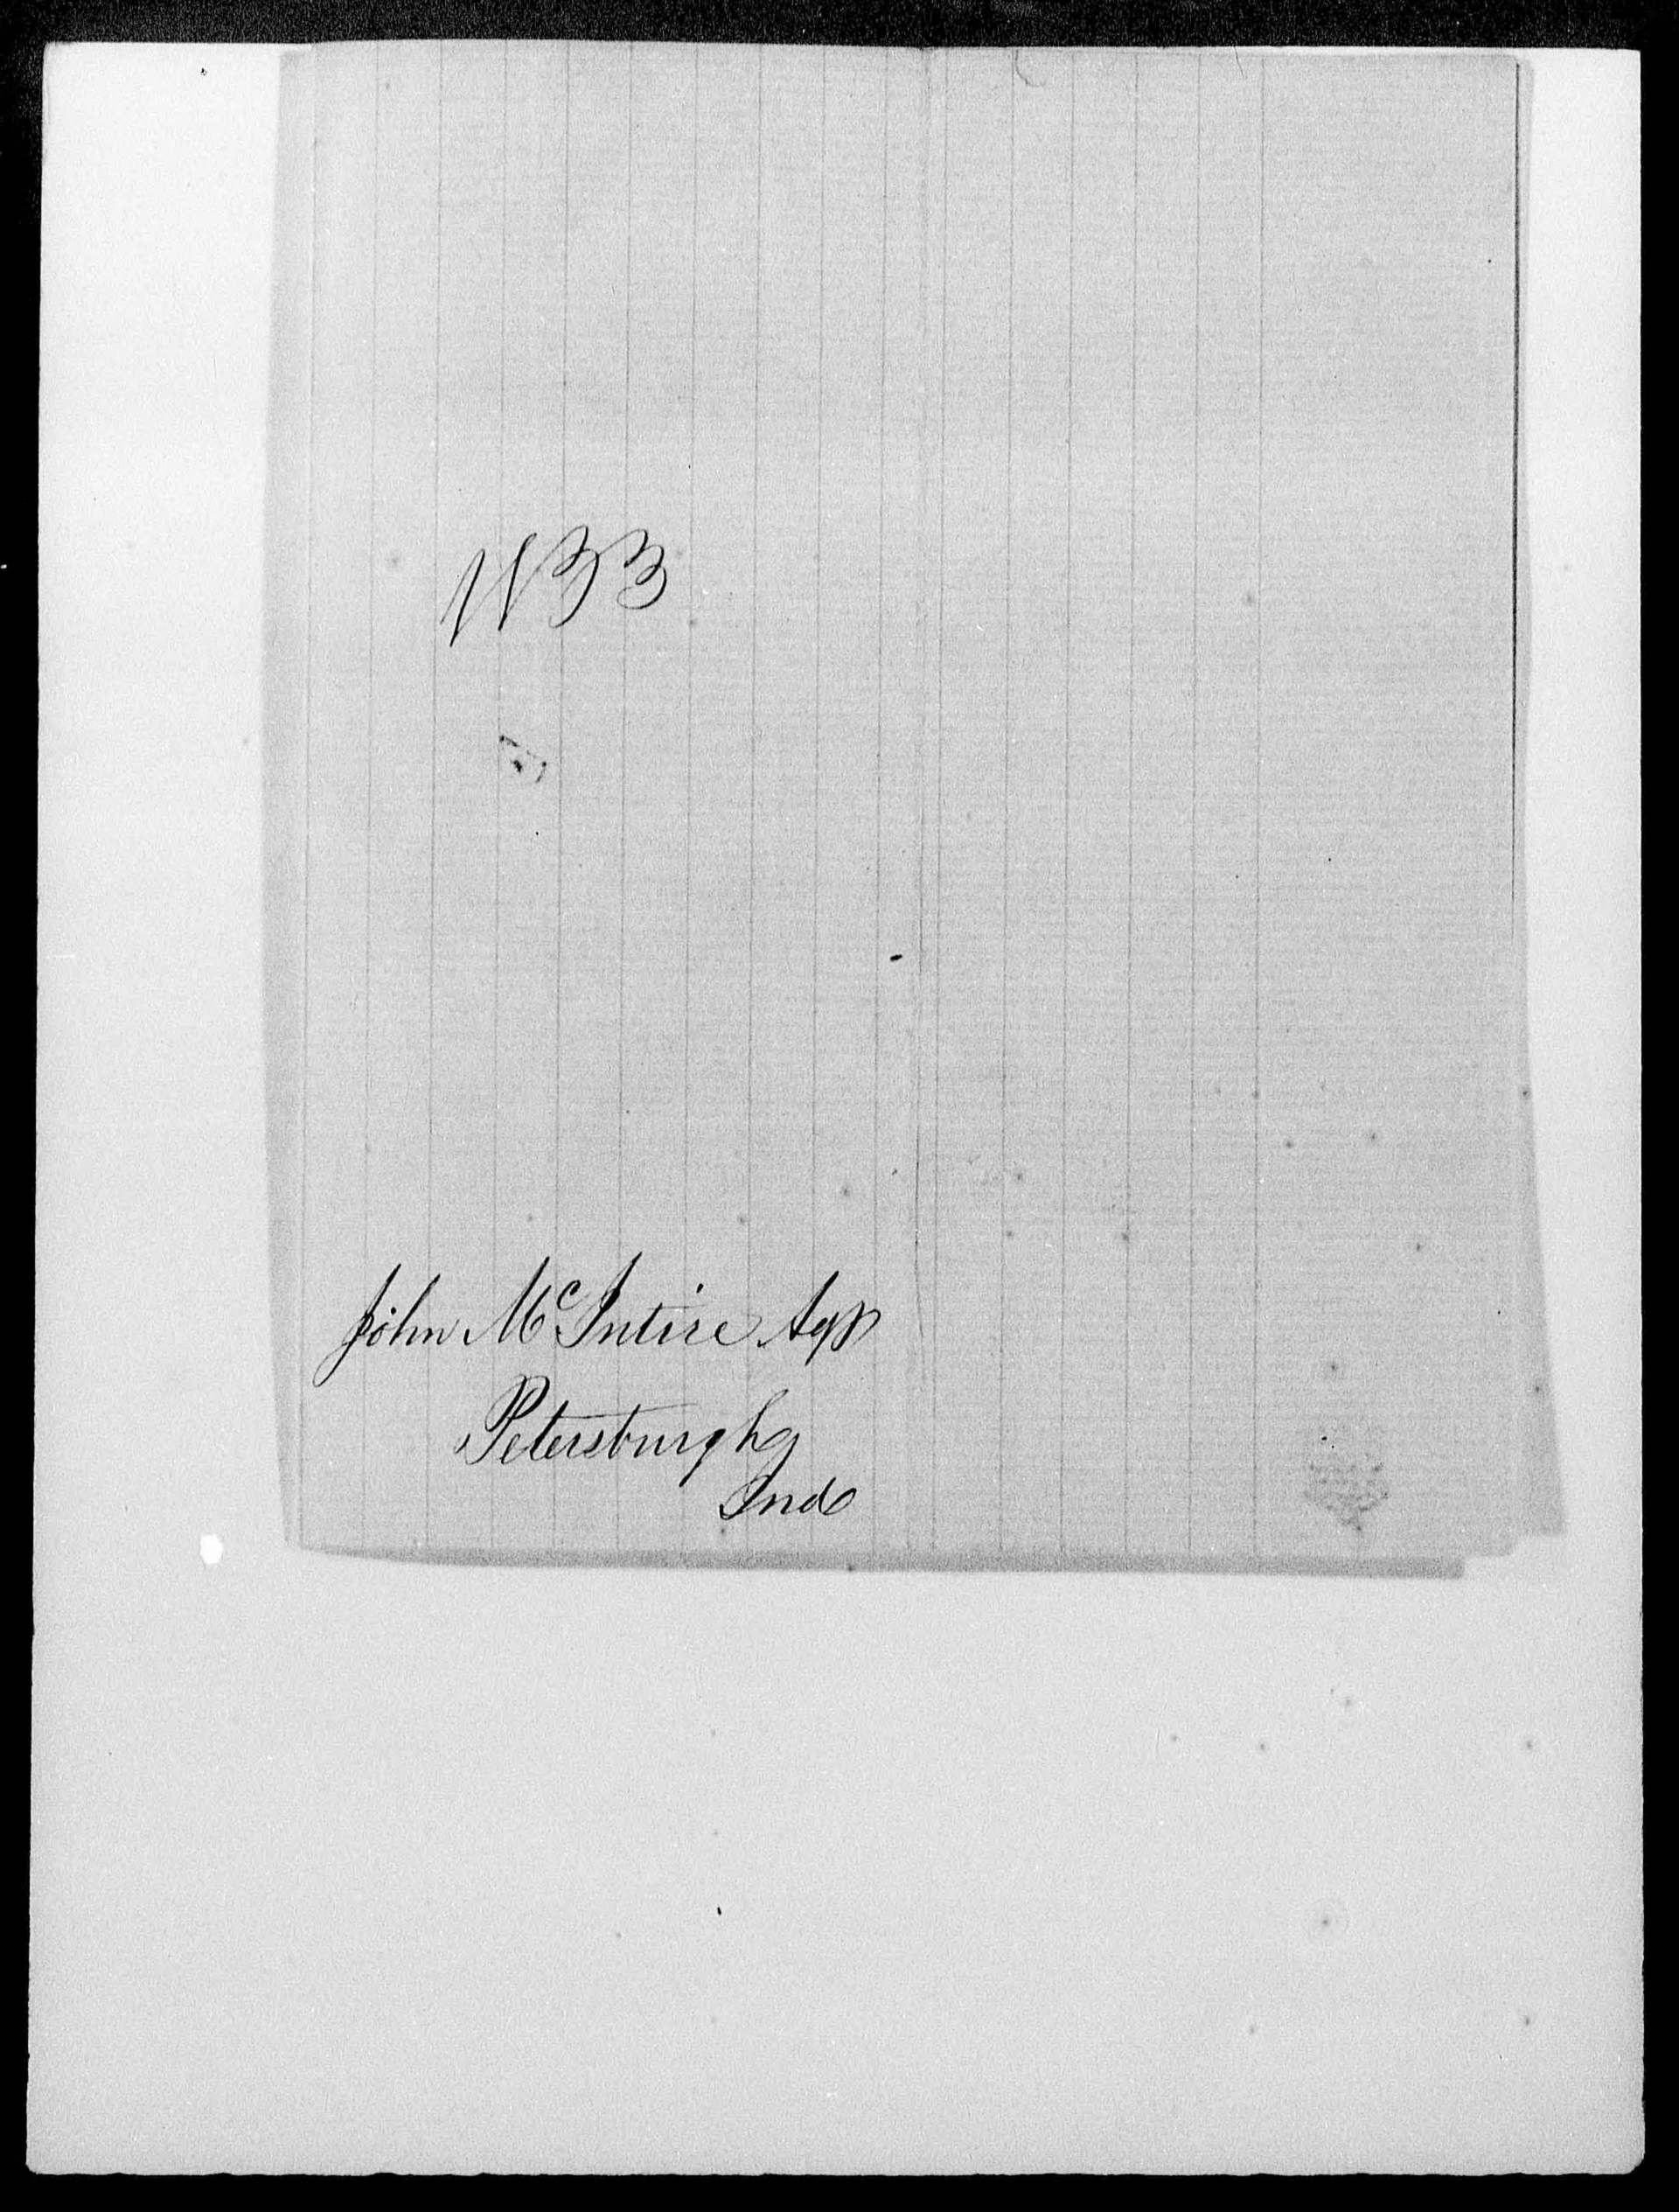[unclear; perhaps:] WBB or WZZ

John McIntire Agt
Petersburgh 
Ind.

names: John Mc Intire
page: 43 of 49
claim: widow's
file: W. 2518, James Brenton, Va.